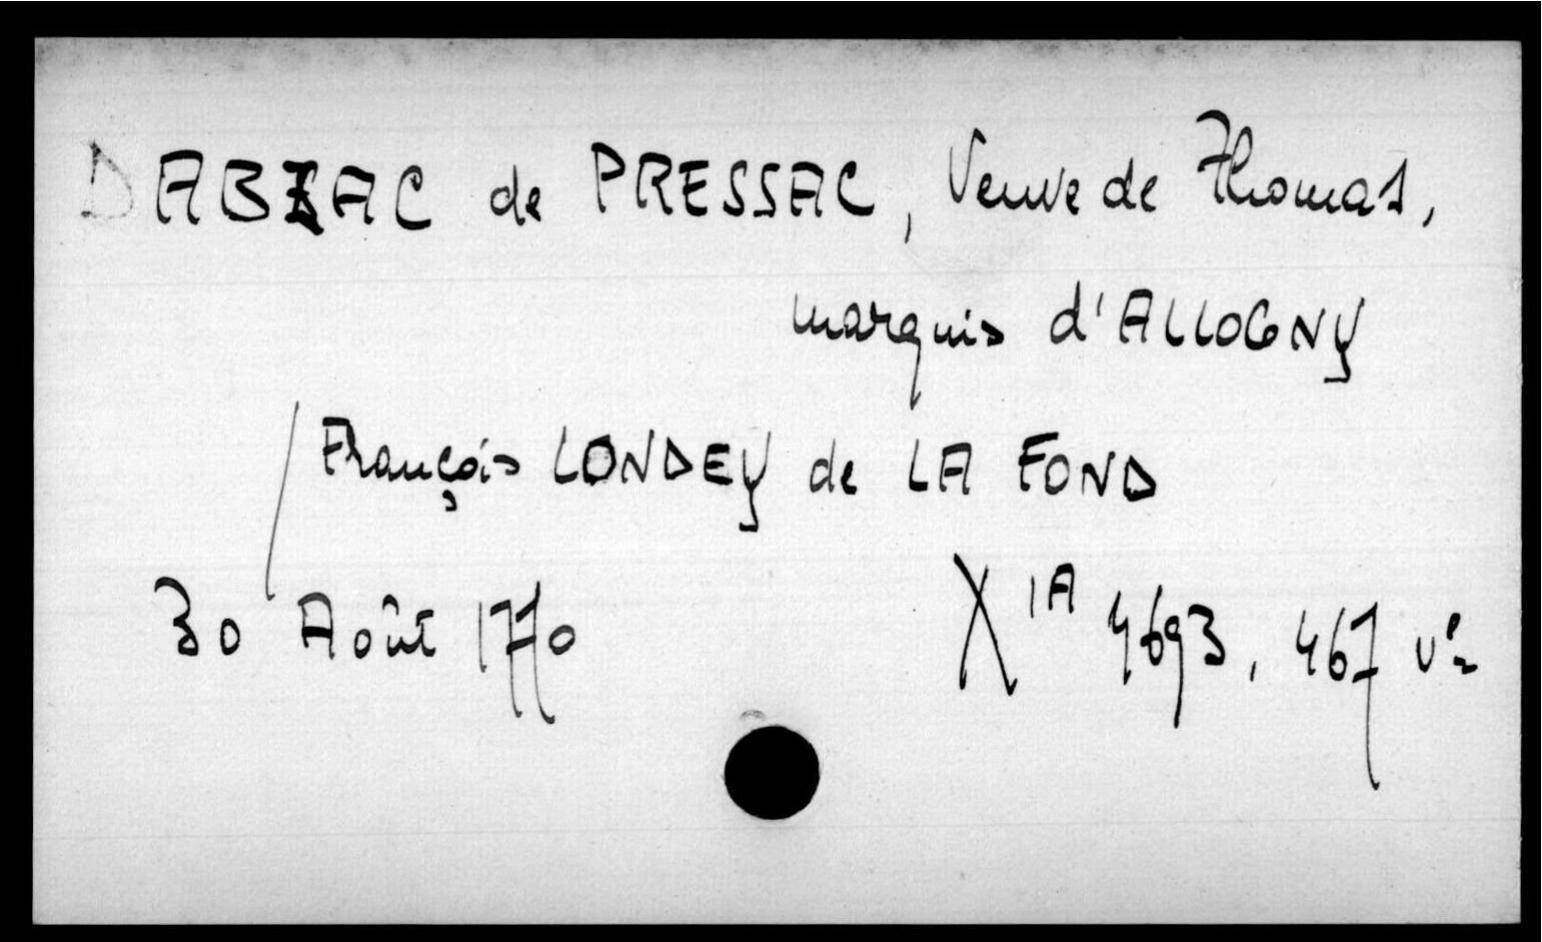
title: DABIAC de PRESSAC, Veuve de Thomas, marquis d'ALLOGNY
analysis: Contre François LONDEY de La FOND
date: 30 août 1770
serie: X1A
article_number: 4693
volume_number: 467v
